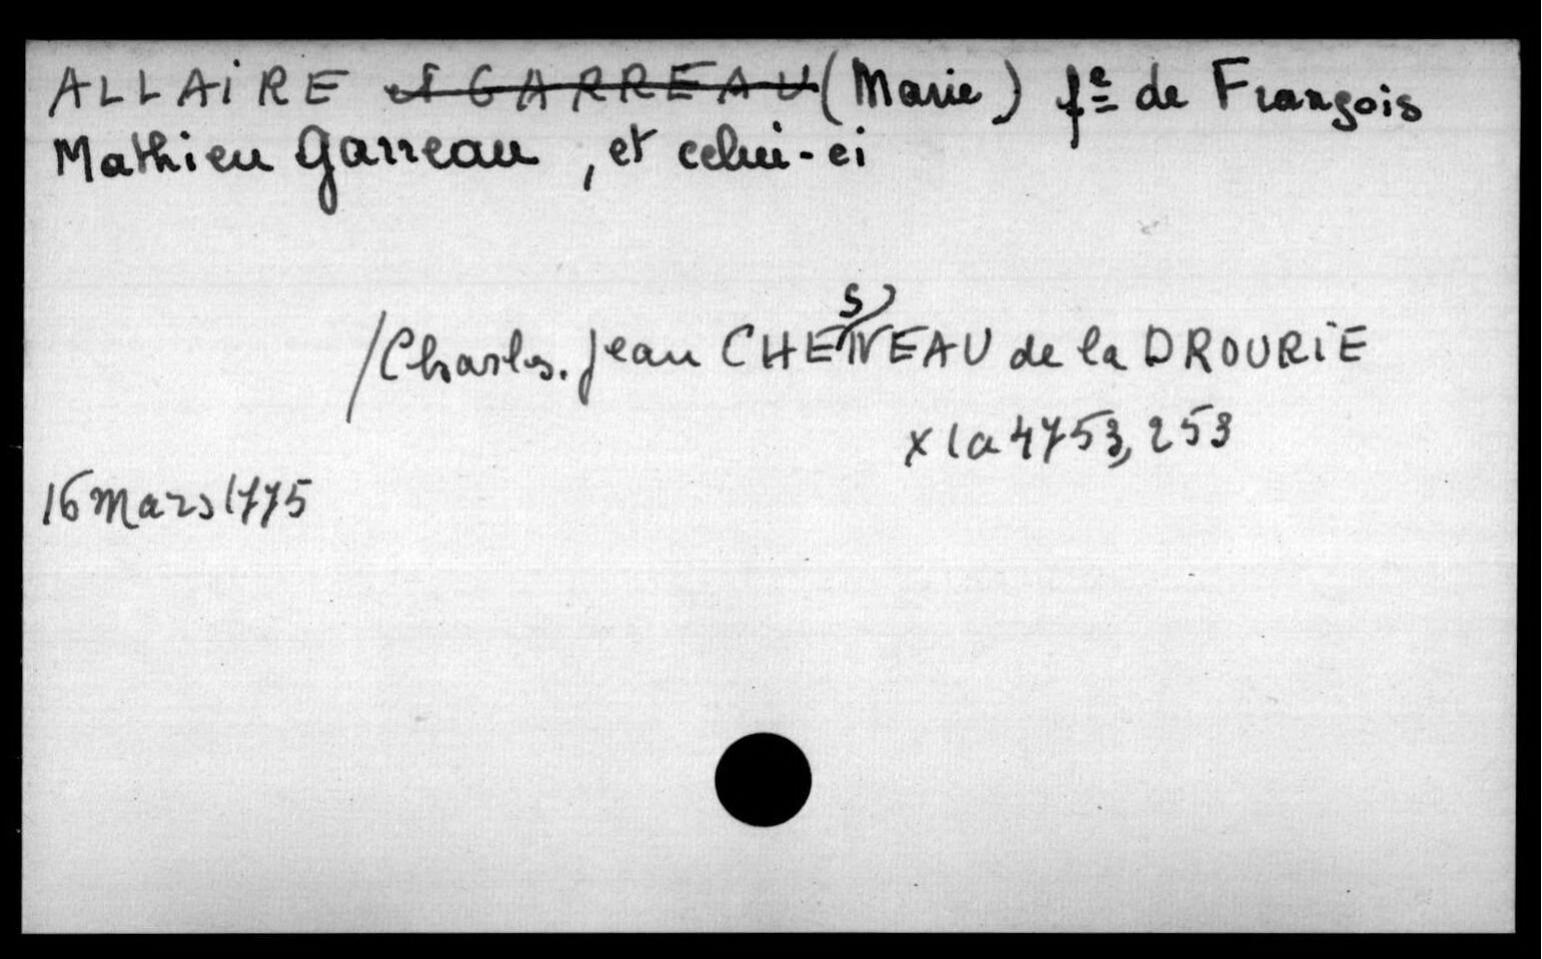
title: ALLAIRE (Marie) femme de François Mathieu Garreau, et celui-ci
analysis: Contre Charles, Jean CHESNEAU de la DROURIE
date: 16 mars 1775
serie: X1a
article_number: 4753
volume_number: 253
